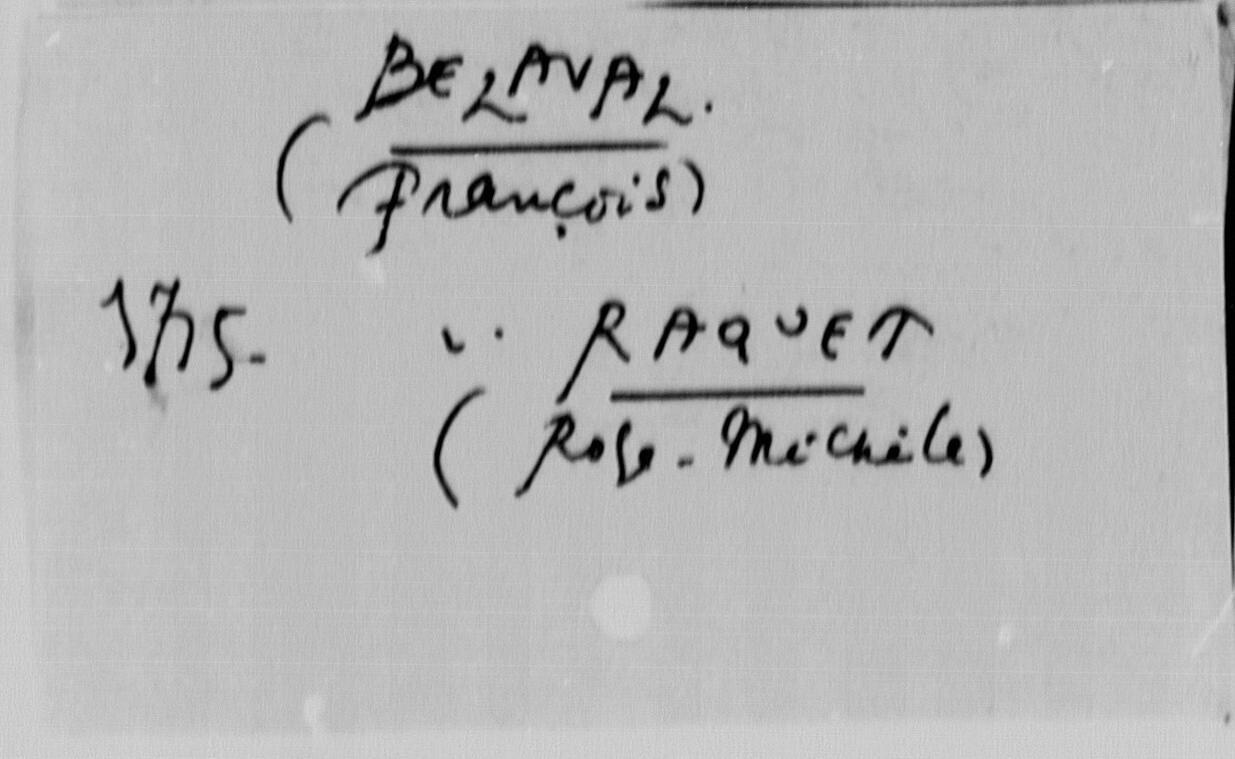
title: BELAVAL (François)
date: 1715
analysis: Voir RAQUET (Rose-Michèle)
